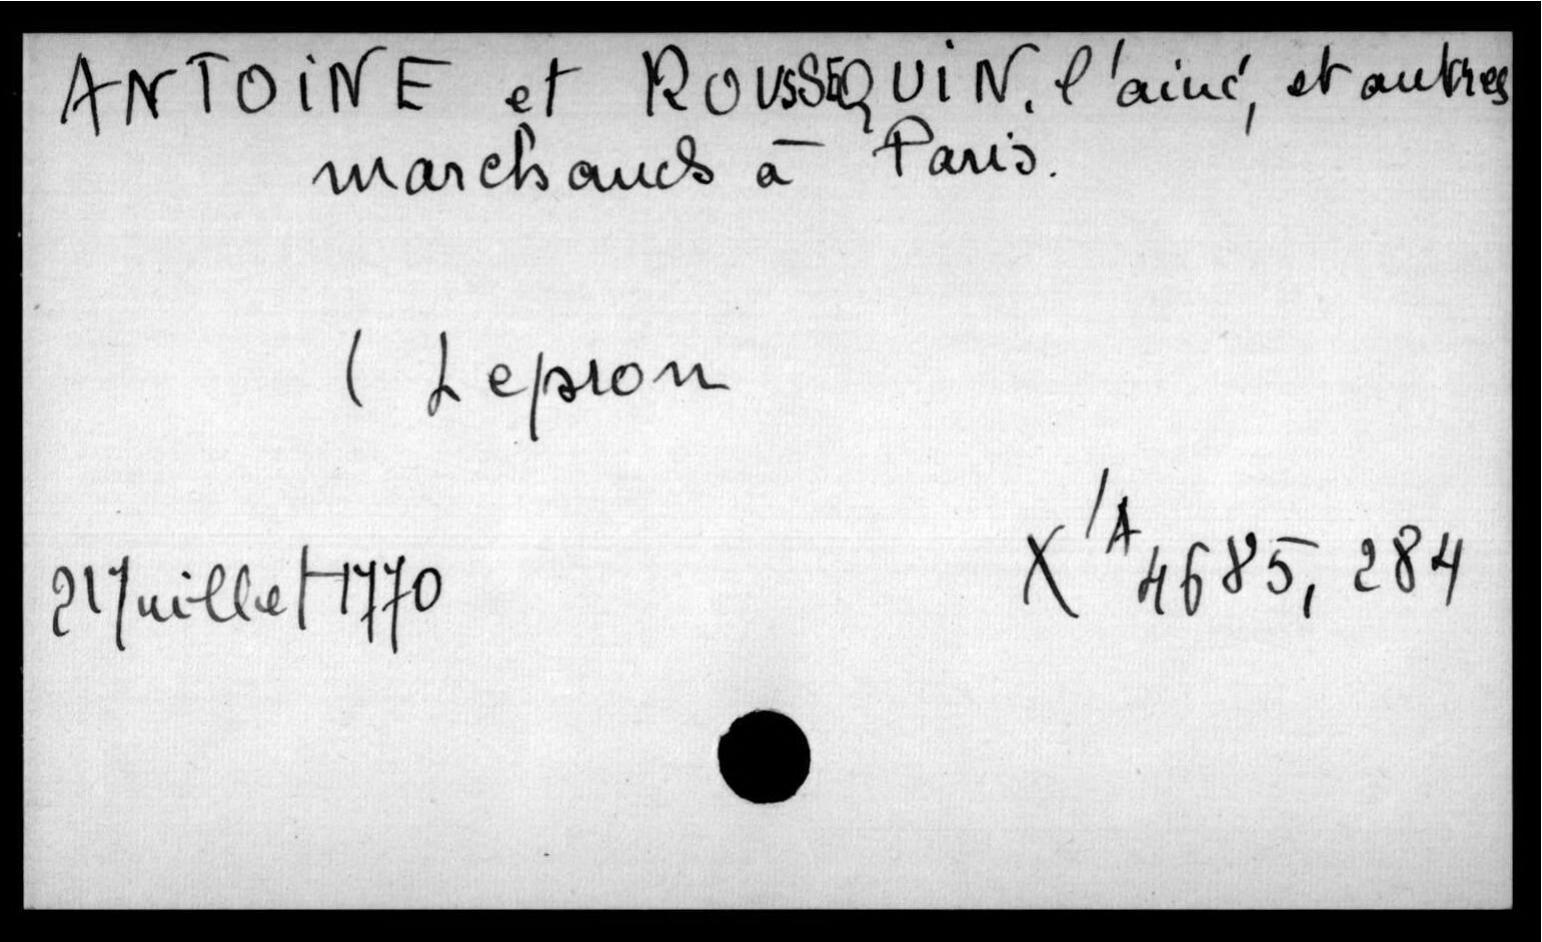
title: ANTOINE et ROUSSEQUIN, l'aîné, et autres marchands à Paris.
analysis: Contre Lepron
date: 21 juillet 1770
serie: X1A
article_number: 4685
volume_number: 284
